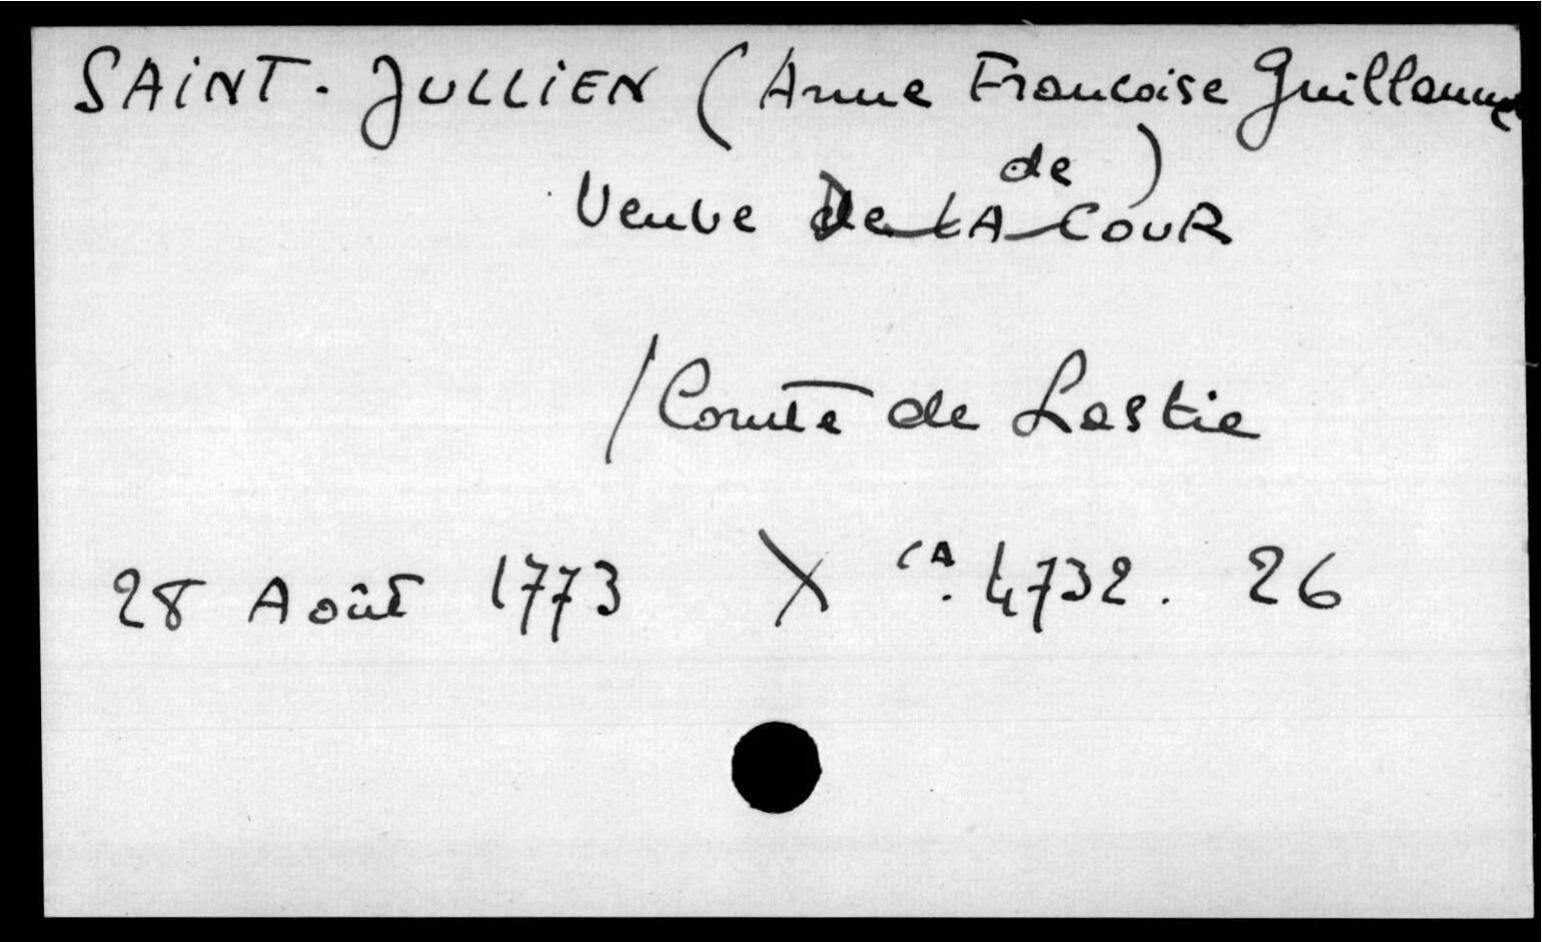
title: SAINT-JULLIEN (Anne Françoise Guillaume de) veuve De LA COUR
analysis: Contre Comte de Lastie
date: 28 août 1773
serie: X1A
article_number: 4732
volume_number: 26
